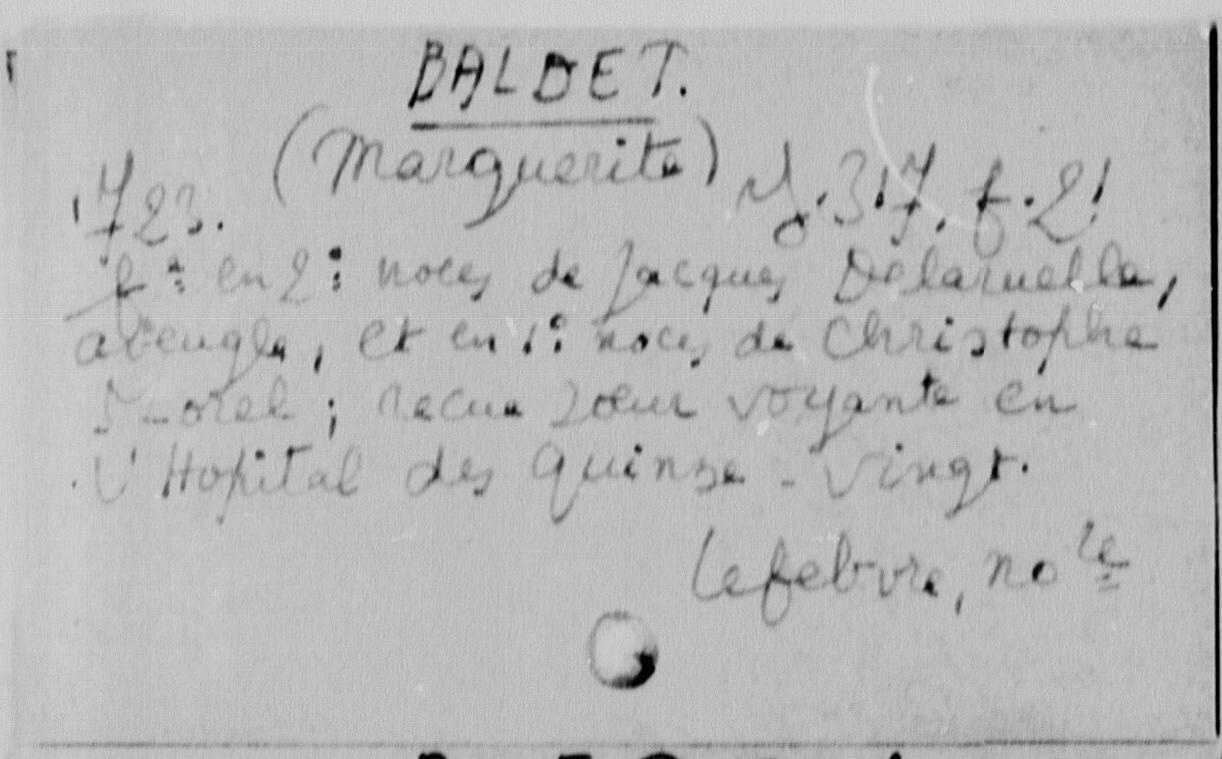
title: BALDET (Marguerite)
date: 1723
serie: Y
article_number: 317
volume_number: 21
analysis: femme en 2e noces de Jacques DELARUELLE, aveugle, et en 1e noces de Christophe MOREL, reçue soeur Voyante en l'Hôpital des quinze-Vingt. Lefebvre, notaire.
